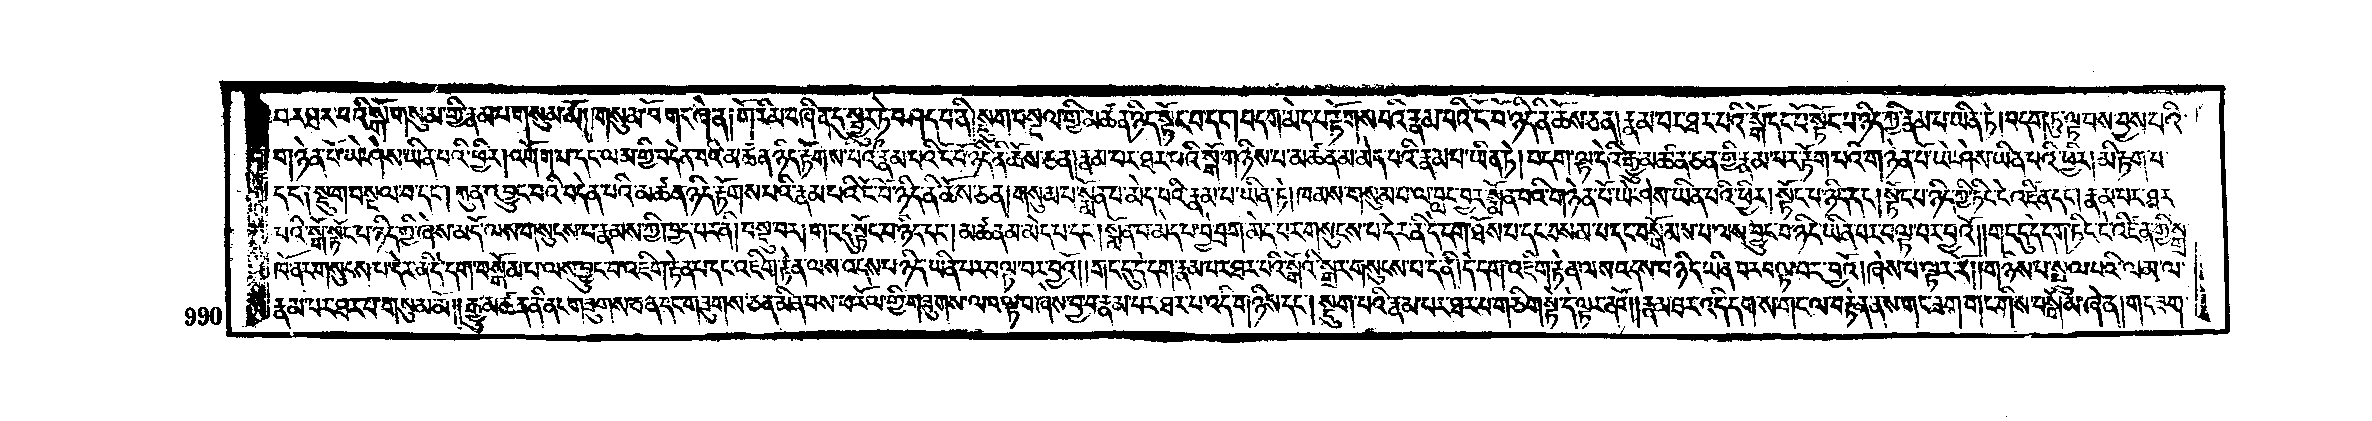བར་ཐར་བའི་སྒོ་གསུམ་གྱི་རྣམ་པ་གསུམ་མོ། །གསུམ་པོ་གང་ཞེ་ན། གོ་རིམ་བཞིན་དུ་སྦྱར་ཏེ་བཤད་པ་ནི། སྡུག་བསྔལ་གྱི་མཚན་ཉིད་སྟོང་བ་དང་། བདག་མེད་པ་རྟོགས་པའི་རྣམ་པའི་ངོ་བོ་ཉིད་ནི་ཆོས་ཅན། རྣམ་པར་ཐར་པའི་སྒོ་དང་པོ་སྟོང་པ་ཉིད་ཀྱི་རྣམ་པ་ཡིན་ཏེ། བདག་ཏུ་ལྟ་བས་བྱས་པའི་
གཉེན་པོ་ཡེ་ཤེས་ཡིན་པའི་ཕྱིར། འགོག་པ་དང་ལམ་གྱི་བདེན་པའི་མཚན་ཉིད་རྟོགས་པའི་རྣམ་པའི་ངོ་བོ་ཉིད་ནི་ཆོས་ཅན། རྣམ་པར་ཐར་པའི་སྒོ་གཉིས་པ་མཚན་མ་མེད་པའི་རྣམ་པ་ཡིན་ཏེ། བདག་ལྟ་དེའི་རྒྱུ་མཚན་ཅན་གྱི་རྣམ་པར་རྟོག་པའི་གཉེན་པོ་ཡེ་ཤེས་ཡིན་པའི་ཕྱིར། མི་རྟག་པ་
དང་། སྡུག་བསྔལ་བ་དང་། ཀུན་འབྱུང་བའི་བདེན་པའི་མཚན་ཉིད་རྟོགས་པའི་རྣམ་པའི་ངོ་བོ་ཉིད་ནི་ཆོས་ཅན། གསུམ་པ་སྨོན་པ་མེད་པའི་རྣམ་པ་ཡིན་ཏེ། ཁམས་གསུམ་པ་ལ་བླང་བྱར་སྨོན་པའི་གཉེན་པོ་ཡེ་ཤེས་ཡིན་པའི་ཕྱིར། སྟོང་པ་ཉིད་དང་། སྟོང་པ་ཉིད་ཀྱི་ཏིང་ངེ་འཛིན་དང་། རྣམ་པར་ཐར་
པའི་སྒོ་སྟོང་པ་ཉིད་ཀྱི་ཞེས་མདོ་ལས་གསུངས་པ་རྣམས་ཀྱི་ཁྱད་པར་ནི། བསྡུ་བར། གང་དུ་སྟོང་པ་ཉིད་དང་། མཚན་མ་མེད་པ་དང་། སྨོན་པ་མེད་པ་བྱེ་བྲག་མེད་པར་གསུངས་པ་དེར་ནི་དེ་དག་ཐོས་པ་དང་བསམ་པ་དང་བསྒོམས་པ་ལས་བྱུང་བ་ཉིད་ཡིན་པར་བལྟ་བར་བྱའོ། །གང་དུ་དེ་དག་ཏིང་ངེ་འཛིན་གྱི་སྒྲ་
ཁོ་ནར་གསུངས་པ་དེར་ནི་དེ་དག་བསྒོམ་པ་ལས་བྱུང་བ་འཇིག་རྟེན་པ་དང་འཇིག་རྟེན་ལས་འདས་པ་ཉིད་ཡིན་པར་བལྟ་བར་བྱའོ། །གང་དུ་དེ་དག་རྣམ་པར་ཐར་པའི་སྒོའི་སྒྲར་གསུངས་པ་དེ་ནི། དེ་དག་འཇིག་རྟེན་ལས་འདས་པ་ཉིད་ཡིན་པར་བལྟ་བར་ཡའོ། ཞེས་པ་ལྟར་རོ། །གཉིས་པ་སྤྲུལ་པའི་ལམ་ལ་
རྣམ་པར་ཐར་པ་གསུམ་མོ། །རྒྱུ་མཚན་ནི་ནང་གཟུགས་ཅན་དང་གཟུགས་ཅན་དང་གཟུགས་ཅན་མིན་པས་ཕ་རོལ་གྱི་གཟུགས་ལ་བལྟ་བ་ཞེས་བྱ་བ་རྣམ་པར་ཐར་པ་འདི་གཉིས་དང་། སྡུག་པའི་རྣམ་པར་ཐར་པ་གཅིག་སྟེ་དེ་ལྟར་ནའོ། །རྣམ་ཐར་འདི་དག་ས་གང་ལ་བརྟེན་ནས་གང་ཟག་གང་གིས་བསྒོམ་ཞེ་ན། གང་ཟག་